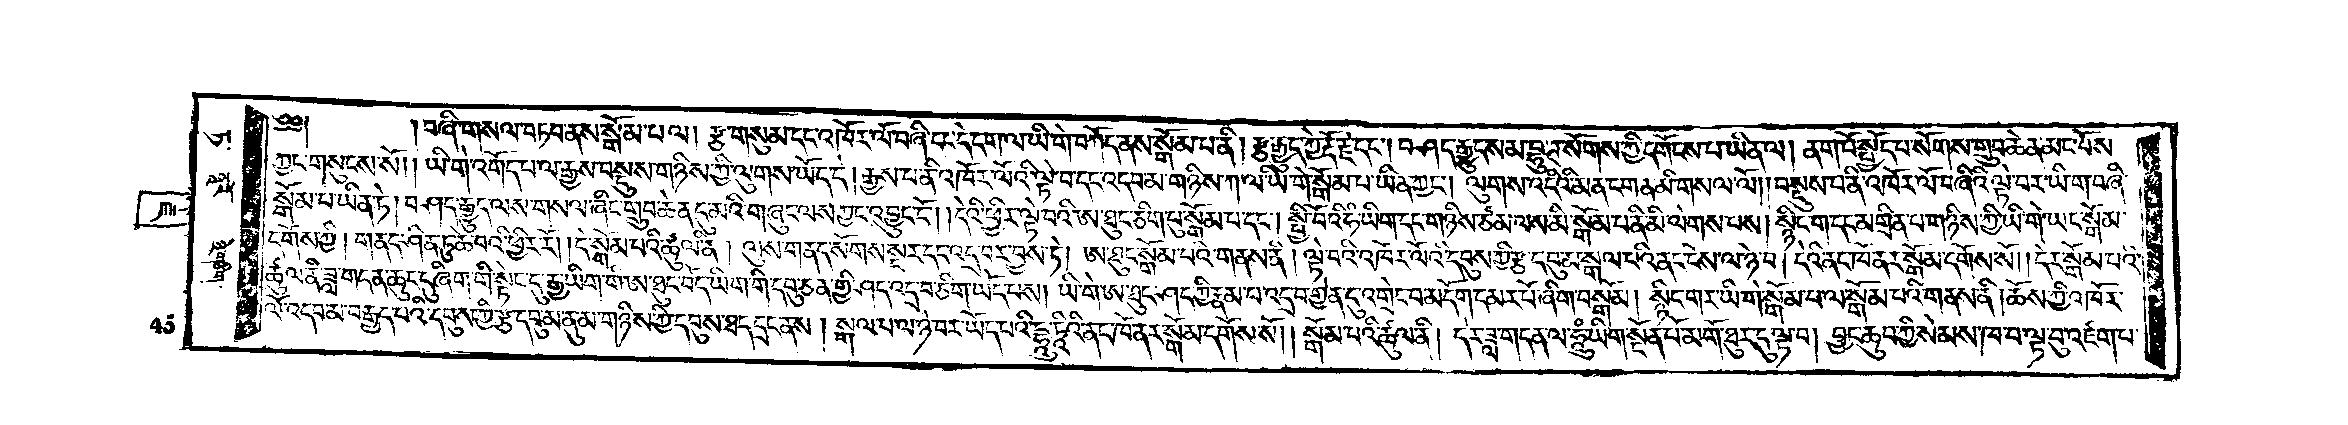༄༅། །བཞི་གསལ་བཏབ་ནས་སྒོམ་པ་ལ། རྩ་གསུམ་དང་འཁོར་ལོ་བཞི་དང་དེ་དག་ལ་ཡི་གེ་བཀོད་ནས་སྒོམ་པ་ནི། རྩ་རྒྱུད་ཀྱེ་རྡོ་རྗེ་དང་། བཤད་རྒྱུད་སམ་བྷུ་ཊ་སོགས་ཀྱི་དགོངས་པ་ཡིན་ལ། ནག་པོ་སྤྱོད་པ་སོགས་གྲུབ་ཆེན་མང་པོས་
ཀྱང་གསུངས་སོ། །ཡི་གེ་འགོད་པ་ལ་རྒྱས་བསྡུས་གཉིས་ཀྱི་ལུགས་ཡོད་དེ། རྒྱས་པ་ནི་འཁོར་ལོའི་ལྟེ་བ་དང་འདབ་མ་གཉིས་ཀ་ལ་ཡི་གེ་སྒོམ་པ་ཡིན་ཀྱང་། ལུགས་འདིའི་མན་ངག་ན་མི་གསལ་ལོ། །བསྡུས་པ་ནི་འཁོར་ལོ་བཞིའི་ལྟེ་བར་ཡི་གེ་བཞི་
སྒོམ་པ་ཡིན་ཏེ། བཤད་རྒྱུད་ལས་གསལ་ཞིང་གྲུབ་ཆེན་དུ་མའི་གཞུང་ལས་ཀྱང་འབྱུང་ངོ། །དེའི་ཕྱིར་ལྟེ་བའི་ཨ་ཐུང་ཅིག་པུ་སྒོམ་པ་དང་། སྤྱི་བོའི་ཧཾ་ཡིག་དང་གཉིས་ཙམ་ལས་མི་སྒོམ་པ་ནི་མི་ལེགས་པས། སྙིང་ག་དང་མགྲིན་པ་གཉིས་ཀྱི་ཡི་གེ་ཡང་སྒོམ་
དགོས་ཀྱི། གནད་ཤིན་ཏུ་ཆེ་བའི་ཕྱིར་རོ། །དེ་སྒོམ་པའི་ཚུལ་ནི། ལུས་གནད་སོགས་སྔར་དང་འདྲ་བར་བྱས་ཏེ། ཨ་ཐུང་སྒོམ་པའི་གནས་ནི། ལྟེ་བའི་འཁོར་ལོའི་དབུས་ཀྱི་རྩ་དབུ་མ་སྒལ་པའི་ནང་ངོས་ལ་ཉེ་བ། དེའི་ནང་ཁོ་ནར་སྒོམ་དགོས་སོ། །དེར་སྒོམ་པའི་
ཚུལ་ནི་ཟླ་གདན་ཆུང་དུ་ཞིག་གི་སྟེང་དུ་རྒྱ་ཡིག་གི་ཨ་ཐུང་བོད་ཡིག་གི་དབུ་ཅན་གྱི་ཤད་འདྲ་བ་ཅིག་ཡོད་པས། ཡི་གེ་ཨ་ཐུང་ཤད་ཀྱི་རྣམ་པ་འདྲ་བ་གྱེན་དུ་འགྲེང་བ་མདོག་དམར་པོ་ཞིག་བསྒོམ། སྙིང་གར་ཡི་གེ་སྒོམ་པ་ལ་སྒོམ་པའི་གནས་ནི། ཆོས་ཀྱི་འཁོར་
ལོ་འདབ་མ་བརྒྱད་པའི་དབུས་ཀྱི་རྩ་དབུ་མ་ནུ་མ་གཉིས་ཀྱི་དབུས་ཐད་དྲང་ནས། སྒལ་པ་ལ་ཉེ་བར་ཡོད་པའི་དྷཱུ་ཏཱིའི་ནང་ཁོ་ནར་སྒོམ་དགོས་སོ། །སྒོམ་པའི་ཚུལ་ནི། དེར་ཟླ་གདན་ལ་ཧཱུཾ་ཡིག་སྔོན་པོ་མགོ་ཐུར་དུ་ལྟ་བ། བྱང་ཆུབ་ཀྱི་སེམས་ཁ་བ་ལྟ་བུ་འཛག་པ་